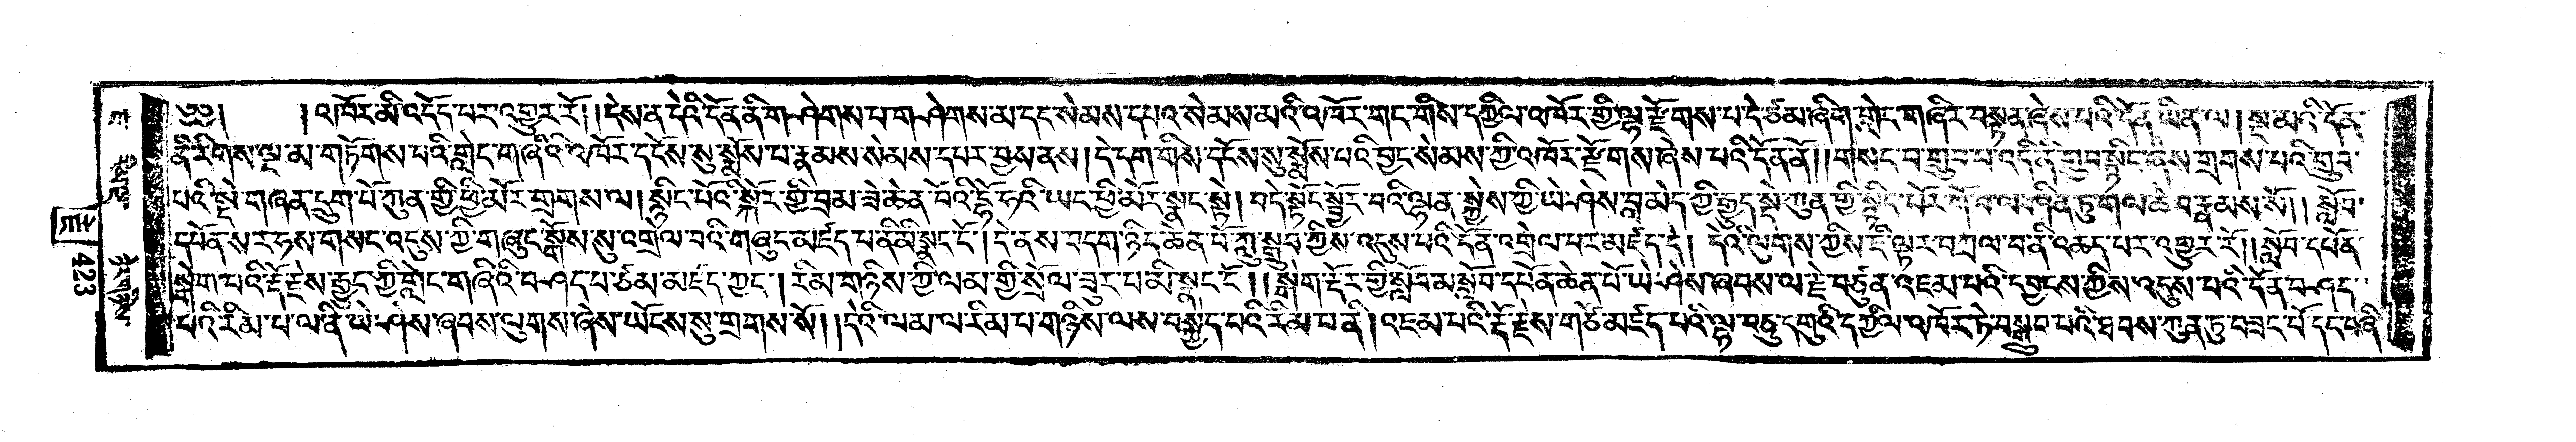༄༅། །འཁོར་མི་འདོད་པར་འགྱུར་རོ། །དེས་ན་དེའི་དོན་ནི་གཤེགས་པ་གཤེགས་མ་དང་སེམས་དཔའ་སེམས་མའི་འཁོར་གང་གིས་དཀྱིལ་འཁོར་གྱི་ལྷ་རྫོགས་པ་དེ་ཙམ་ཞིག་གླེང་གཞིར་བསྟན་ཞེས་པའི་དོན་ཡིན་ལ། སྔ་མའི་དོན་
ནི་རིགས་ལྔ་མ་གཏོགས་པའི་གླེང་གཞིའི་འཁོར་དངོས་སུ་སྨོས་པ་རྣམས་སེམས་དཔར་བྱས་ནས། དེ་དག་གིས་དངོས་སུ་སྨོས་པའི་བྱང་སེམས་ཀྱི་འཁོར་རྫོགས་ཞེས་པའི་དོན་ནོ། །གསང་བ་གྲུབ་པ་འདི་ནི་གྲུབ་སྙིང་ཞེས་གྲགས་པའི་གྲུབ་
པའི་སྡེ་གཞན་དྲུག་པོ་ཀུན་གྱི་ཕྱི་མོར་གྲགས་ལ། སྙིང་པོའི་སྐོར་གྱི་བྲམ་ཟེ་ཆེན་པོའི་དོ་ཧ་ཧའི་ཡང་ཕྱི་མོར་སྣང་སྟེ། བདེ་སྟོང་སྦྱོར་བའི་ལྷན་སྐྱེས་ཀྱི་ཡེ་ཤེས་བླ་མེད་ཀྱི་རྒྱུད་སྡེ་ཀུན་གྱི་སྙིང་པོར་གོ་བ་ལ་ཤིན་ཏུ་གལ་ཆེ་བ་རྣམས་སོ། །སློབ་
དཔོན་ས་ར་ཧས་གསང་འདུས་ཀྱི་གཞུང་སྒོས་སུ་འགྲེལ་བའི་གཞུང་མཛད་པ་ནི་མི་སྣང་ངོ། །དེ་ནས་བདག་ཉིད་ཆེན་པོ་ཀླུ་སྒྲུབ་ཀྱིས་འདུས་པའི་དོན་འགྲེལ་པ་མཛད་དེ། དེའི་ལུགས་ཀྱིས་ཇི་ལྟར་བཀྲལ་བ་ནི་འཆད་པར་འགྱུར་རོ། །སློབ་དཔོན་
སྒེག་པའི་རྡོ་རྗེས་རྒྱུད་ཀྱི་གླེང་བཞིའི་བཤད་པ་ཙམ་མཛད་ཀྱང་། རིམ་གཉིས་ཀྱི་ལམ་གྱི་སྲོལ་ཟུར་པ་མི་སྣང་ངོ། །སྒེག་རྡོར་གྱི་སློབ་མ་སློབ་དཔོན་ཆེན་པོ་ཡེ་ཤེས་ཞབས་ལ་རྗེ་བཙུན་འཇམ་པའི་དབྱངས་ཀྱིས་འདུས་པའི་དོན་བཤད་
པའི་རིམ་པ་ལ་ནི་ཡེ་ཤེས་ཞབས་ལུགས་ཞེས་ཡོངས་སུ་གྲགས་སོ། །དེའི་ལམ་ལ་རིམ་པ་གཉིས་ལས་བསྐྱེད་པའི་རིམ་པ་ནི། འཇམ་པའི་རྡོ་རྗེས་གཙོ་མཛད་པའི་ལྷ་བཅུ་དགུའི་དཀྱིལ་འཁོར་ཏེ་བསྒྲུབ་པའི་ཐབས་ཀུན་ཏུ་བཟང་པོ་དང་བཞི་